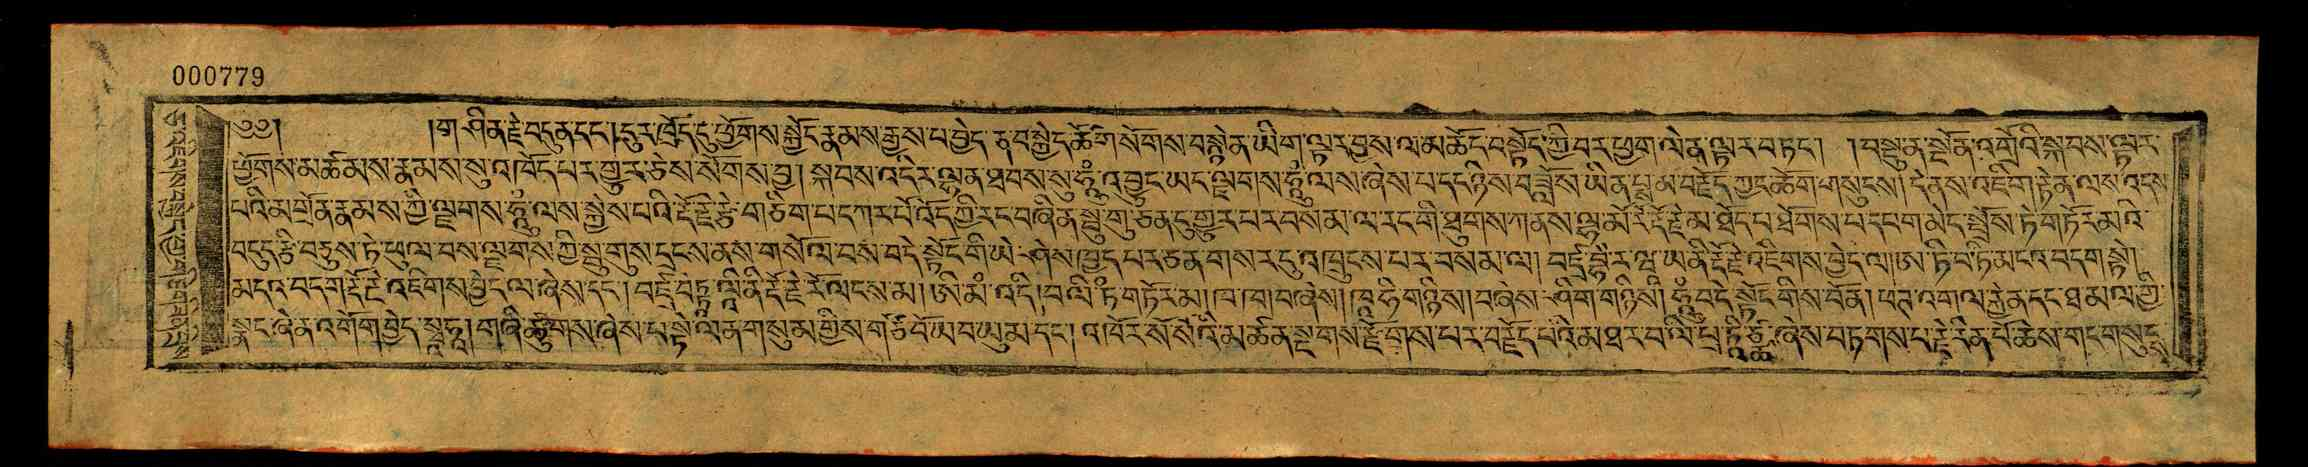༄༅། །གཤིན་རྗེ་བདུན་དང་། དུར་ཁྲོད་དུ་ཕྱོགས་སྐྱོང་རྣམས་རྒྱས་པ་བྱེད་ཚེ་བསྐྱེད་ཆོག་སོགས་བསྙེན་ཡིག་ལྟར་བྱས་ལ་མཆོད་བསྟོད་ཀྱི་བར་ཕྱག་ལེན་ལྟར་བཏང་། །བསྡུ་ན་སྔོན་འགྲོའི་སྐབས་ལྟར་
ཕྱོགས་མཚམས་རྣམས་སུ་འཁོད་པར་གྱུར་ཅེས་སོགས་བྱ། སྐབས་འདིར་ལྷན་ཐབས་སུ་ཧཱུཾ་འབྱུང་ཡང་ལྗགས་ཧཱུཾ་ལས་ཞེས་པ་དང་ཉིས་བཟློས་ཡིན་པ་མ་བརྗོད་ཀྱང་ཆོག་གསུངས། དེ་ནས་འཇིག་རྟེན་ལས་འདས་
པའི་མགྲོན་རྣམས་ཀྱི་ལྗགས་ཧཱུཾ་ལས་སྐྱེས་པའི་རྡོ་རྗེ་རྩེ་གཅིག་པ་དཀར་པོ་འོད་ཀྱི་རང་བཞིན་སྦུ་གུ་ཅན་དུ་གྱུར་པར་བསམ་ལ་རང་གི་ཐུགས་ཀ་ནས་ལྷ་མོར་རྡོ་རྗེ་མ་ཐོད་པ་ཐོགས་པ་དཔག་མེད་སྤྲོས་ཏེ་གཏོར་མའི་
བདུད་རྩི་བཅུས་ཏེ་ཕུལ་བས་ལྗགས་ཀྱི་སྤུ་གུས་དྲངས་ནས་གསོལ་བས་བདེ་སྟོང་གི་ཡེ་ཤེས་ཁྱད་པར་ཅན་གསར་དུ་འཁྲུངས་པར་བསམ་ལ། བཛྲ་བྷཻ་ར་ཝཱ་ཡ་ནི་རྡོ་རྗེ་འཇིགས་བྱེད་ལ། ཨ་ཏི་པ་ཏི་མངའ་བདག་སྟེ།
མངའ་བདག་རྡོ་རྗེ་འཇིགས་བྱེད་ལ་ཞེས་དང་། བཛྲ་བེཏྟ་ལཱི་ནི་རྡོ་རྗེ་རོ་ལངས་མ། ཨི་མཾ་འདི། བ་ལིཾ་ཏ་གཏོར་མ། ཁ་ཁ། བཞེས། ཁཱ་ཧི་གཉིས། བཞེས་ཤིག་གཉིས། ཧཱུཾ་བདེ་སྟོང་གིས་ས་བོན། ཕཊ་འགལ་རྐྱེན་དང་ཐ་མལ་གྱི་
སྣང་ཞེན་འགོག་བྱེད། སྭཱཧཱ་གཞི་ཚུགས་ཞེས་པ་སྟེ་ལན་གསུམ་གྱིས་གཙོ་བོ་ཡབ་ཡུམ་དང་། འཁོར་སོ་སོའི་མཚན་སྔགས་རྫོགས་པར་བརྗོད་པའི་མཐར་བ་ལི་པྲ་ཏཱི་ཙྪ་ཞེས་བཏགས་པ་རྗེ་རིན་པོ་ཆེས་གང་གསུངས་